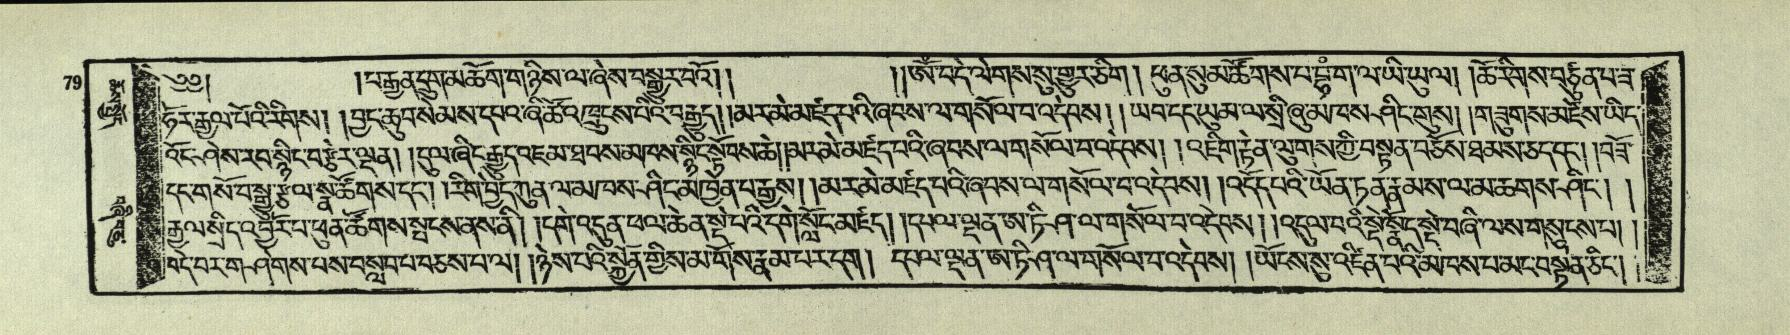༄༅། །པ་རྒྱན་དྲུག་མཆོག་གཉིས་ལ་ཞེས་བསྒྱུར་བའོ།། །།ཨོཾ་བདེ་ལེགས་སུ་གྱུར་ཅིག །ཕུན་སུམ་ཚོགས་པ་བྷཾ་ག་ལ་ཡི་ཡུལ། །ཆོ་རིགས་བཙུན་པ་ཟ་
ཧོར་རྒྱལ་པོའི་རིགས། །བྱང་ཆུབ་སེམས་དཔའ་ཞི་ཚོ་འཁྲུངས་པའི་བརྒྱུད། །མར་མེ་མཛད་པའི་ཞབས་ལ་གསོལ་བ་འདེབས། །ཡབ་དང་ཡུམ་ལ་སྲི་ཞུ་མཁས་ཤིང་གུས། །གཟུགས་མཛེས་ཡིད་
འོང་ཤེས་རབ་སྙིང་བརྩེར་ལྡན། །དུལ་ཞིང་རྒྱུད་འཇམ་ཐབས་མཁས་སྙིང་སྟོབས་ཆེ། །མར་མེ་མཛད་པའི་ཞབས་ལ་གསོལ་བ་འདེབས། །འཇིག་རྟེན་ལུགས་ཀྱི་བསྟན་བཅོས་ཐམས་ཅད་དང་། །བཟོ་
དང་གསོ་བ་སྒྱུར་རྩལ་སྣ་ཚོགས་དང་། །རིག་བྱེད་ཀུན་ལ་མཁས་ཤིང་མཁྱེན་པ་རྒྱས། །མར་མེ་མཛད་པའི་ཞབས་ལ་གསོལ་བ་འདེབས། །འདོད་པའི་ཡོན་ཏན་རྣམས་ལ་མ་ཆགས་ཤིང་། །
རྒྱལ་སྲིད་འབྱོར་པ་ཕུན་ཚོགས་སྤངས་ནས་ནི། །དགེ་འདུན་ཕལ་ཆེན་སྡེ་པའི་དགེ་སློང་མཛད། །དཔལ་ལྡན་ཨ་ཏི་ཤ་ལ་གསོལ་བ་འདེབས། །འདུལ་བའི་སྡེ་སྣོད་སྡེ་བཞི་ལས་གསུངས་པ། །
བདེ་བར་གཤེགས་པས་བསླབ་པ་བཅས་པ་ལ། །ཉེས་པའི་སྐྱོན་གྱིས་མ་གོས་རྣམ་པར་དག །དཔལ་ལྡན་ཨ་ཏི་ཤ་ལ་གསོལ་བ་འདེབས། །ཡོངས་སུ་འཛིན་པའི་མཁས་པ་མང་བསྟེན་ཅིང་། །